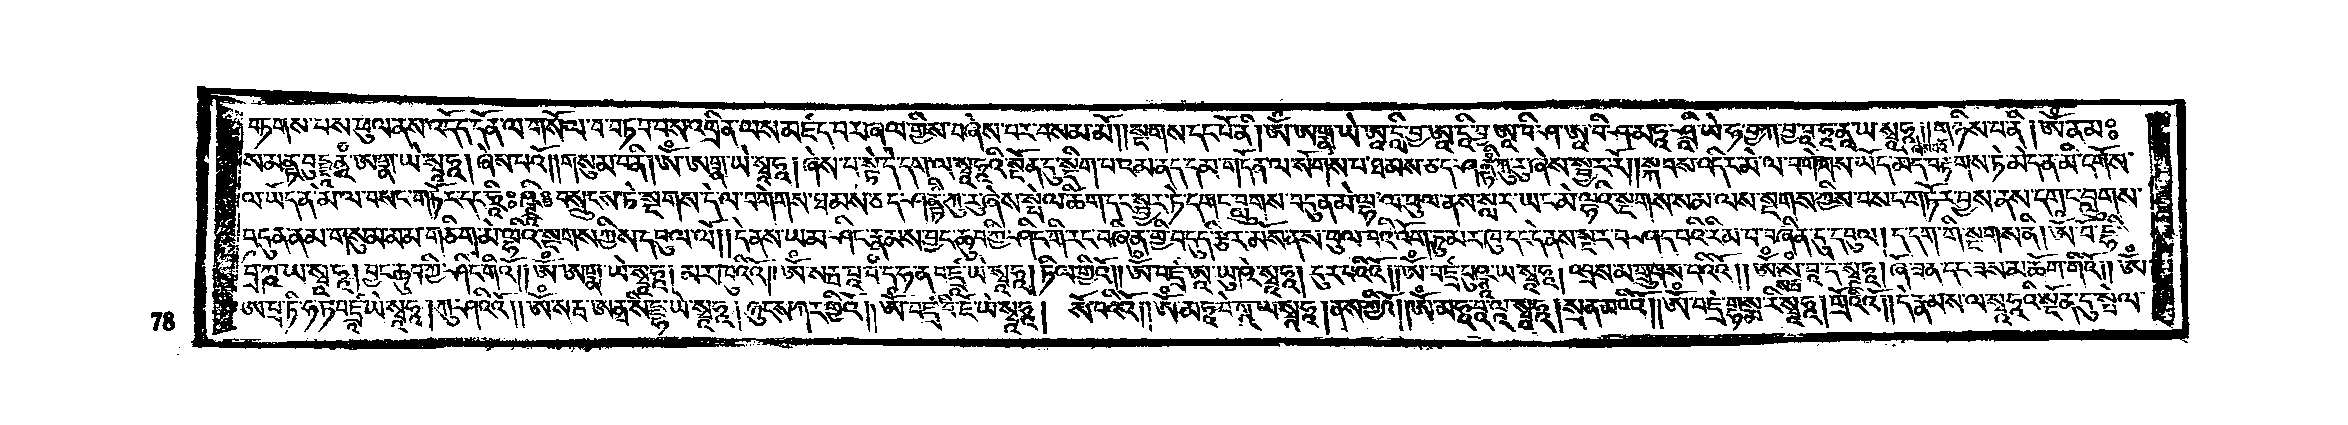བཏགས་པས་ཕུལ་ནས་འདོད་དོན་ལ་གསོལ་བ་བཏབ་པས་འཕྲིན་ལས་མཛད་པར་ཞལ་གྱིས་བཞེས་པར་བསམ་མོ། །སྔགས་དང་པོ་ནི། ཨོཾ་ཨ་གན་ཡེ་ཨཱ་དླི་བྱ་ཨཱ་དཱི་བྱ་ཨཱ་བི་ཤ་ཨཱ་བི་ཤ་མཧཱ་ཤྲཱི་ཡེ་ཧ་བྱ་ཀ་བྱ་བཱ་ཧཱ་ནཱ་ཡ་སྭཱ་ཧཱ། །ཞེས་པའོ། །གཉིས་པ་ནི། ཨོཾ་ན་མཿ
ས་མནྟ་བུདྡྷཱ་ནཱཾ་ཨ་གན་ཡེ་སྭཱཧཱ། ཞེས་པའོ། །གསུམ་པ་ནི། ཨོཾ་ཨ་གན་ཡེ་སྭཱ་ཧཱ། ཞེས་པ་སྟེ་དེ་དག་ལ་སྭཱ་ཧཱའི་སྔོན་དུ་སྡིག་པའམ་ནད་དམ་གདོན་ལ་སོགས་པ་ཐམས་ཅད་ཤནྟིཾ་ཀུ་རུ་ཞེས་སྦྱར་རོ། །སྐབས་འདིར་མེ་ལ་བགེགས་ཡོད་མེད་བརྟགས་ཏེ་མེད་ན་མི་དགོས་
ལ་ཡོད་ན་མེ་ལ་བསང་གཏོར་དང་ཧྲཱི་H ཥྚྲཱི་H བསྲུངས་ཏེ་སྔགས་དེ་ལ་བགེགས་ཐམས་ཅད་ཤཎྟི་ཀུ་རུ་ཞེས་སྤེལ་ཚིག་དང་སྦྱར་ཏེ་དགང་བླུགས་བདུན་མེ་ལྷ་ལ་ཕུལ་ནས་སླར་ཡང་མེ་ལྷའི་སྔགས་སམ་ལས་སྔགས་ཀྱིས་བསང་གཏོར་བྱས་ནས་དགང་བླུགས་
བདུན་ནམ་གསུམ་མམ་གཅིག་མེ་ལྷའི་སྔགས་ཀྱིས་དབུལ་ལོ། །དེ་ནས་ཡམ་ཤིང་རྣམས་བྱང་ཆུབ་ཀྱི་ཤིང་གི་རང་བཞིན་གྱི་བདུད་རྩིར་མོས་ནས་ཕུལ་བའི་འོག་ཏུ་མར་ཁུ་དང་དེ་ནས་སྔར་བཤད་པའི་རིམ་པ་བཞིན་དུ་དབུལ། ད་དག་གི་སྔགས་ནི། ཨོཾ་བོ་དྷི་
བྲྀ་ཀྵ་ཡ་སྭཱ་ཧཱ། བྱང་ཆུབ་ཀྱི་ཤིང་གིའོ། །ཨོཾ་ཨ་གན་ཡེ་སྭཱ་ཧཱ། མར་ཁུའི་འོ། །ཨོཾ་སརྦ་པཱ་བཾ་ད་ཧ་ན་བཛྲ་ཡེ་སྭཱ་ཧཱ། ཏིལ་གྱིའོ། །ཨོཾ་བཛྲ་ཨཱ་ཡུ་ཥེ་སྭཱ་ཧཱ། དུར་བའི་འོ། །ཨོཾ་བཛྲ་པུ་ཥྚཱ་ཡ་སྭཱ་ཧཱ། འབྲས་མ་གྲུགས་པའི་འོ། །ཨོཾ་སརྦ་སཾ་བཱ་དེ་སྭཱཧཱ། ཞོ་ཟན་དང་ཟས་མཆོག་གིའོ། །ཨོཾ་
ཨ་པྲ་ཏི་ཧ་ཏི་བཛྲཱ་ཡེ་སྭཱ་ཧཱ། ཀུ་ཤའི་འོ། །ཨོཾ་སརྦ་ཨནྭ་སི་དྡྷ་ཡེ་སྭཱཧཱ། ཉུངས་ཀར་གྱིའོ། །ཨོཾ་བཛྲ་བི་ཛ་ཡེ་སྭཱ་ཧཱ། སོ་བའི་འོ། །ཨོཾ་མཧཱ་བེ་གཱ་ཡ་སྭཱ་ཧཱ། །ནས་ཀྱིའོ། །ཨོཾ་མཧཱ་བཱ་ལཱ་སྭཱ་ཧཱ། སྲན་མའི་འོ། །ཨོཾ་བཛྲ་གྷ་སྨ་རི་སྭཱཧཱ། གྲོའི་འོ། །དེ་རྣམས་ལ་སྭཱ་ཧཱའི་སྔོན་དུ་སྤེལ་